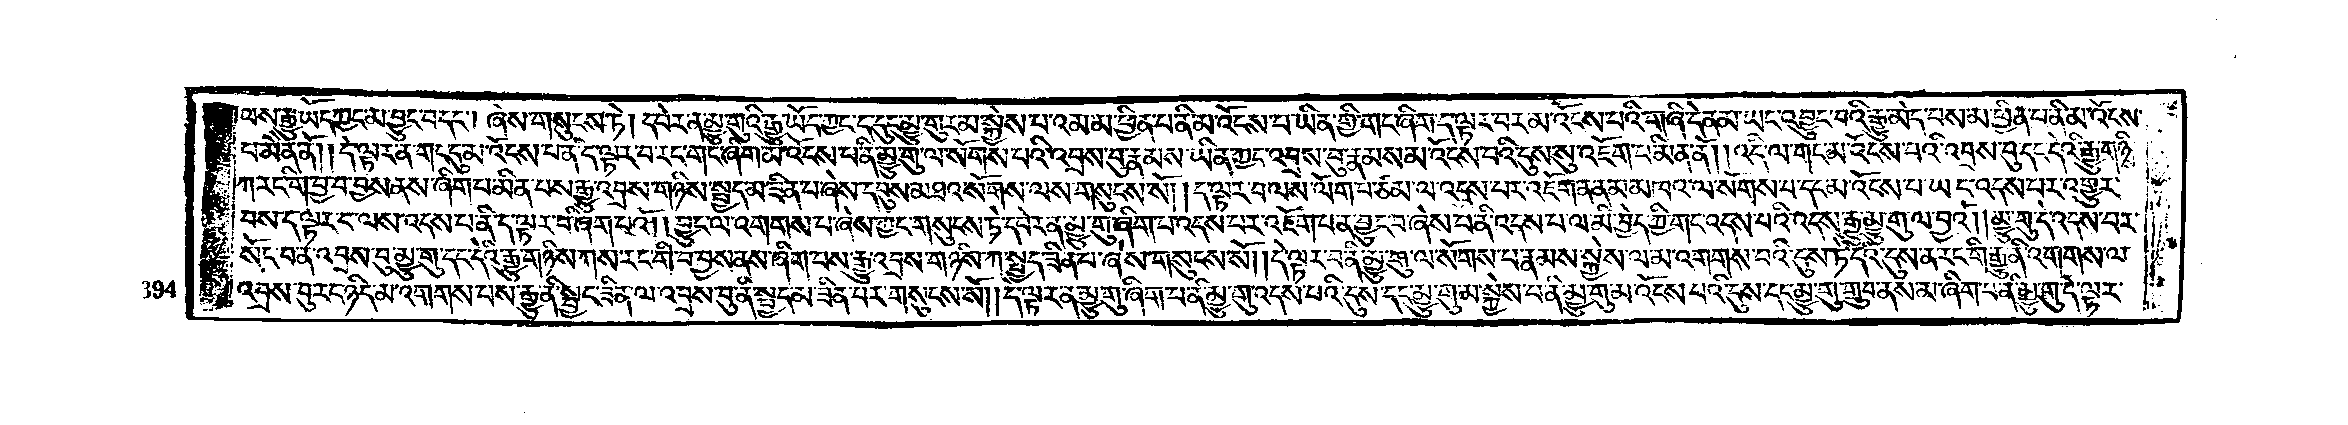པས་རྒྱུ་ཡོད་ཀྱང་མ་བྱུང་བ་དང་། ཞེས་གསུངས་ཏེ། དཔེར་ན་མྱུ་གུའི་རྒྱུ་ཡོད་ཀྱང་ད་དུང་མྱུ་གུར་མ་སྐྱེས་པ་འམ་མ་ཕྱིན་པ་ནི་མ་འོངས་པ་ཡིན་གྱི་གང་ཞིག་ད་ལྟར་བར་མ་འོངས་པའི་གཞི་དེ་ནམ་ཡང་འབྱུང་བའི་རྒྱུ་མེད་པས་མ་ཕྱིན་པ་ནི་མ་འོངས་
པ་མིན་ནོ། །དེ་ལྟར་ན་གང་དུ་མ་འོངས་པ་ནི་ད་ལྟར་བ་རང་གང་ཞིག་མ་འོངས་པ་ནི་མྱུ་གུ་ལ་སོགས་པའི་འབྲས་བུ་རྣམས་ཡིན་ཀྱང་འབྲས་བུ་རྣམས་མ་འོངས་པའི་དུས་སུ་འཇོག་པ་མིན་ནོ། །འདི་ལ་གང་མ་འོངས་པའི་འབྲས་བུ་དང་དེའི་རྒྱུ་གཉིས་
ཀ་རང་གི་བྱ་བ་བྱས་ནས་ཞིག་པ་མིན་པས་རྒྱུ་འབྲས་གཉིས་སྤྱད་མ་ཟིན་པ་ཞེས་དབུས་མཐའ་སོགས་ལས་གསུངས་སོ། །ད་ལྟར་བ་ལས་ལོག་པ་ཙམ་ལ་འདས་པར་འཇོག་ན་ནམ་མཁའ་ལ་སོགས་པ་དང་མ་འོངས་པ་ཡང་འདས་པར་འགྱུར་
བས་ད་ལྟར་བ་ལས་འདས་པ་ནི་ད་ལྟར་བ་ཞིག་པའོ། །བྱུང་ལ་འགགས་པ་ཞེས་ཀྱང་གསུངས་ཏེ་དཔེར་ན་མྱུ་གུ་ཞིག་པ་འདས་པར་འཇོག་པ་ན་བྱུང་བ་ཞེས་པ་ནི་འདས་པ་ལ་མི་བྱེད་ཀྱི་གང་འདས་པའི་འདས་རྒྱུ་མྱུ་གུ་ལ་བྱའོ། །མྱུ་གུ་དེ་འདས་པར་
སོང་བ་ན་འབྲས་བུ་མྱུ་གུ་དང་དེའི་རྒྱུ་གཉིས་ཀས་རང་གི་བ་བྱས་ནས་ཞིག་པས་རྒྱུ་འབྲས་གཉིས་ཀ་སྤྱད་ཟིན་པ་ཞེས་གསུངས་སོ། །ད་ལྟར་བ་ནི་མྱུ་གུ་ལ་སོགས་པ་རྣམས་སྐྱེས་ལ་མ་འགགས་པའི་དུས་ཏེ་དེའི་དུས་ན་རང་གི་རྒྱུ་ནི་འགགས་ལ་
འབྲས་བུ་རང་ཉིད་མ་འགགས་པས་རྒྱུ་ནི་སྤྱད་ཟིན་ལ་འབྲས་བུ་ནི་སྤྱད་མ་ཟིན་པར་གསུངས་སོ། །དེ་ལྟར་ན་མྱུ་གུ་ཞིག་པ་ནི་མྱུ་གུ་འདས་པའི་དུས་དང་མྱུ་གུ་མ་སྐྱེས་པ་ནི་མྱུ་གུ་མ་འོངས་པའི་དུས་དང་མྱུ་གུ་གྲུབ་ནས་མ་ཞིག་པ་ནི་མྱུ་གུ་ད་ལྟར་